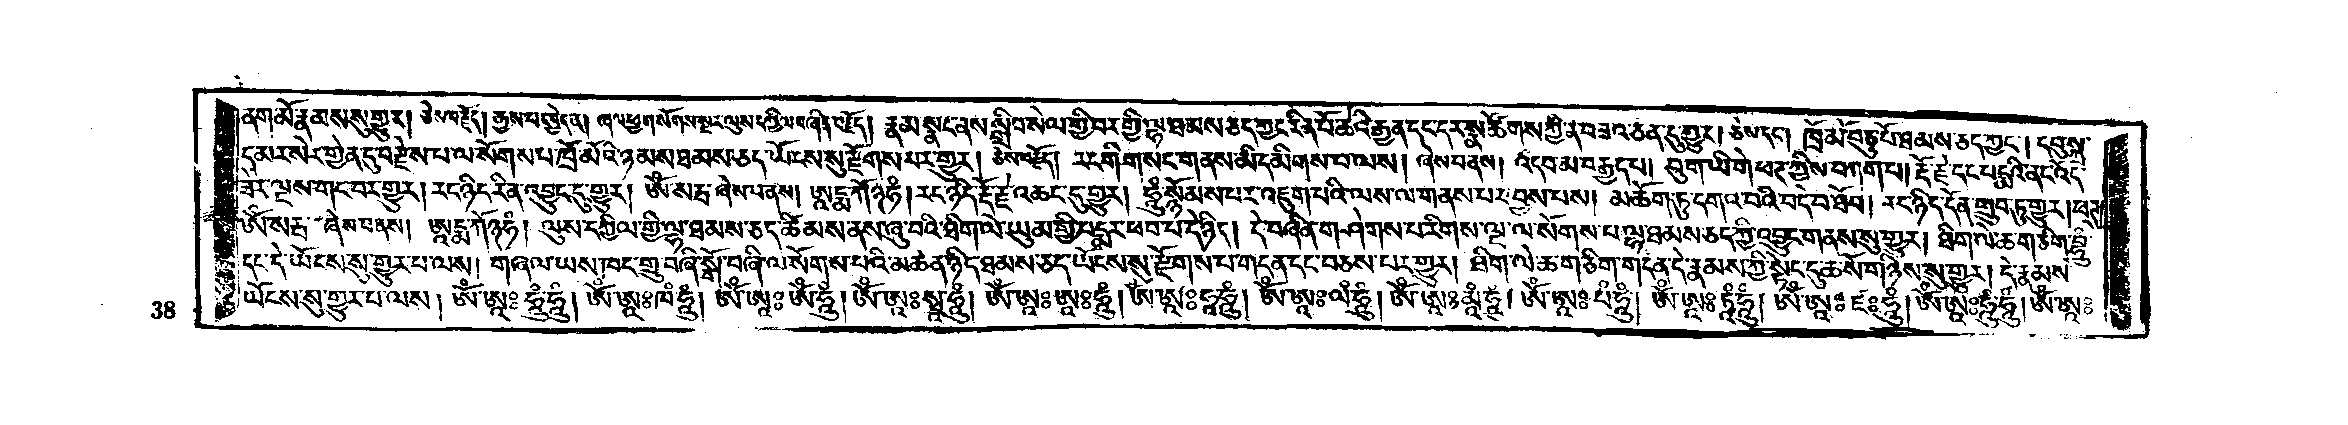ནག་མོ་རྣམས་སུ་གྱུར། ཅེས་བརྗོད། རྒྱས་པར་བྱེད་ན། ཞལ་ཕྱག་སོགས་སྔར་ལུས་དཀྱིལ་བཞིན་བརྗོད།  རྣམ་སྣང་ནས་སྒྲིབ་སེལ་གྱི་བར་གྱི་ལྷ་ཐམས་ཅད་ཀྱང་རིན་པོ་ཆེའི་རྒྱན་དང་དར་སྣ་ཚོགས་ཀྱི་ན་བཟའ་ཅན་དུ་གྱུར། ཅེས་དང་།  ཁྲོ་མོ་བཅུ་པོ་ཐམས་ཅད་ཀྱང་། དབུ་སྐྲ་
དམར་སེར་གྱེན་དུ་བརྫེས་པ་ལ་སོགས་པ་ཁྲོ་མོའི་ཉམས་ཐམས་ཅད་ཡོངས་སུ་རྫོགས་པར་འགྱུར། ཅེས་བརྗོད།  རང་གི་གསང་གནས་མི་དམིགས་པ་ལས། ཞེས་པ་ནས།  འདབ་མ་བརྒྱད་པ། བུ་ག་ཡི་གེ་ཕཊ་ཀྱིས་བཀག་པ། རྡོ་རྗེ་དང་པདམའི་ནང་འོད་
ཟེར་ལྔས་གང་བར་གྱུར། རང་ཉིད་རིན་འབྱུང་དུ་གྱུར། ཨོཾ་སརྦ་ཞེས་པ་ནས།  ཨཱདམ་ཀོཉ་ཧཾ། རང་ཉིད་རྡོ་རྗེ་འཆང་དུ་གྱུར། ཧཱུཾ་སྙོམས་པར་འཇུག་པའི་ལས་ལ་གནས་པར་བྱས་པས། མཆོག་ཏུ་དགའ་བའི་བདེ་བ་ཐོབ། རང་ཉིད་དོན་གྲུབ་ཏུ་གྱུར། ཕཊ།
ཨོཾ་སརྦ་ཞེས་པ་ནས།  ཨཱདམ་ཀོཉ་ཧཾ། ལུས་དཀྱིལ་གྱི་ལྷ་ཐམས་ཅད་ཚིམས་ནས་ཞུ་བའི་ཐིག་ལེ་ཡུམ་གྱི་པདམར་ཕབ་པ་དེ་ཉིད། དེ་བཞིན་གཤེགས་པ་རིགས་ལྔ་ལ་སོགས་པ་ལྷ་ཐམས་ཅད་ཀྱི་འབྱུང་གནས་སུ་གྱུར། ཐིག་ལེ་ཆ་གཅིག་བྷྲུཾ་
དང་དེ་ཡོངས་སུ་གྱུར་པ་ལས། གཞལ་ཡས་ཁང་གྲུ་བཞི་སྒོ་བཞི་ལ་སོགས་པའི་མཚན་ཉིད་ཐམས་ཅད་ཡོངས་སུ་རྫོགས་པ་གདན་དང་བཅས་པར་གྱུར། ཐིག་ལེ་ཆ་གཅིག་གདན་དེ་རྣམས་ཀྱི་སྟེང་དུ་ཆ་སོ་གཉིས་སུ་གྱུར། དེ་རྣམས་
ཡོངས་སུ་གྱུར་པ་ལས། ཨོཾ་ཨཱཿ ཧཱུཾ་ཧཱུཾ། ཨོཾ་ཨཱཿ ཁཾ་ཧཱུཾ། ཨོཾ་ཨཱཿ ཨོཾ་ཧཱུཾ། ཨོཾ་ཨཱཿ སྭཱ་ཧཱུཾ། ཨོཾ་ཨཱཿ ཨཱཿ ཧཱུཾ། ཨོཾ་ཨཱཿ ཧཱ་ཧཱུཾ། ཨོཾ་ཨཱཿ ལཾ་ཧཱུཾ། ཨོཾ་ཨཱཿ མཱཾ་ཧཱུཾ། ཨོཾ་ཨཱཿ པཾ་ཧཱུཾ། ཨོཾ་ཨཱཿ ཏཱཾ་ཧཱུཾ། ཨོཾ་ཨཱཿ ཛཿ ཧཱུཾ། ཨོཾ་ཨཱཿ ཧཱུཾ་ཧཱུཾ། ཨོཾ་ཨཱཿ